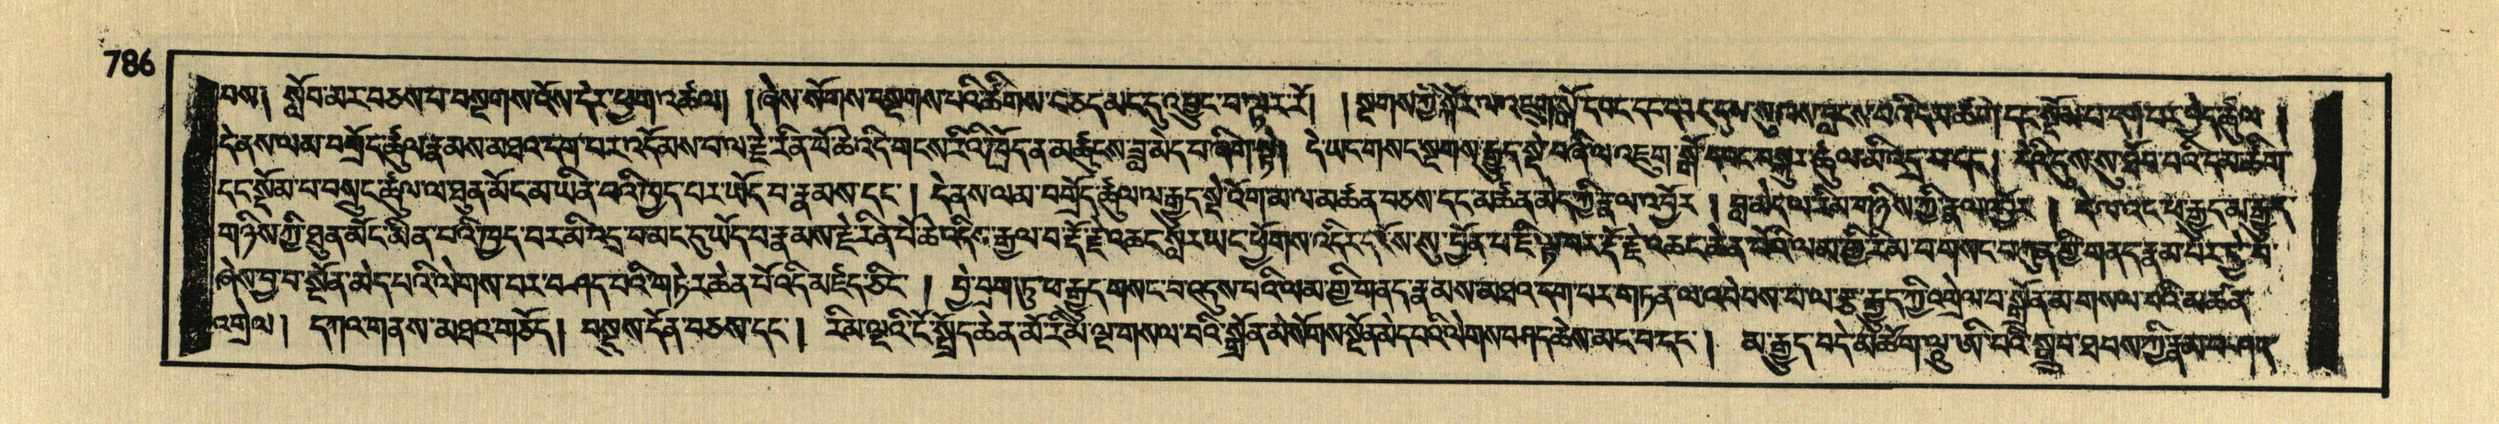བས༑ སློབ་མར་བཅས་བ་བསྔགས་འོས་དེར་ཕྱག་འཚལ། །ཞེས་སོགས་བསྔགས་པའི་ཚིགས་བཅད་མང་དུ་འབྱུང་བ་ལྟར་རོ། །སྔགས་ཀྱི་སྐོར་ལ་འཇུག་སྒོ་དབང་དང་དབང་དུས་སུ་ཁས་བླངས་པའི་དམ་ཚིག་དང་སྡོམ་པ་དག་པར་བྱེད་ཚུལ་།
དེ་ནས་ལམ་བགྲོད་ཚུལ་རྣམས་མཐའ་དག་པར་འདོམས་བ་ལ་རྗེ་རིན་པོ་ཆེ་འདི་གངས་རིའི་ཁྲོད་ན་མཚུངས་ཟླ་མེད་པ་ཞིག་སྟེ། དེ་ཡང་གསང་སྔགས་རྒྱུད་སྡེ་བཞི་ལ་འཇུག་སྒོ་དབང་བསྐུར་ཚུལ་མི་འདྲ་བ་དང་། དེའི་དུས་སུ་ཐོབ་པའི་དམ་ཚིག་
དང་སྡོམ་པ་བསྲུང་ཚུལ་ལ་ཐུན་མོང་མ་ཡིན་བའི་ཁྱད་པར་ཡོད་བ་རྣམས་དང་། དེ་ནས་ལམ་བགྲོད་ཚུལ་ལ་རྒྱུད་སྡེ་འོག་མ་ལ་མཚན་བཅས་དང་མཚན་མེད་ཀྱི་རྣལ་འབྱོར། བླ་མེད་ལ་རིམ་གཉིས་ཀྱི་རྣལ་འབྱོར། དེ་ལ་འང་ཕ་རྒྱུད་མ་རྒྱུད་
གཉིས་ཀྱི་ཐུན་མོང་མིན་པའི་ཁྱད་པར་མི་འདྲ་བ་མང་དུ་ཡོད་པ་རྣམས་རྗེ་རིན་པོ་ཆེ་འདིས་རྒྱལ་བ་རྡོ་རྗེ་འཆང་སླར་ཡང་ཕྱོགས་འདིར་དངོས་སུ་བྱོན་པ་ཇི་ལྟ་བར་རྡོ་རྗེ་འཆང་ཆེན་པོའི་ལམ་གྱི་རིམ་པ་གསང་བ་ཀུན་གྱི་གནད་རྣམ་པར་བྱེ་བ་
ཞེས་བྱ་བ་སྔོན་མེད་པའི་ལེགས་པར་བཤད་པའི་གཏེར་ཆེན་པོ་འདི་མཛད་ཅིང་། བྱེ་བྲག་ཏུ་ཕ་རྒྱུད་གསང་བ་འདུས་པའི་ལམ་གྱི་གནད་རྣམས་མཐའ་དག་པར་གཏན་ལ་འབེབས་པ་ལ་རྩ་རྒྱུད་ཀྱི་འགྲེལ་བ་སྒྲོན་མ་གསལ་བའི་མཚན་
འགྲེལ། དཀའ་གནས་མཐའ་གཅོད། བསྡུས་དོན་བཅས་དང་། རིམ་ལྔའི་ངོ་སྤྲོད་ཆེན་མོ་རིམ་ལྔ་གསལ་བའི་སྒྲོན་མེ་སོགས་སྔོན་མེད་པའི་ལེགས་བཤད་ཆེས་མང་བ་དང་། མ་རྒྱུད་བདེ་མཆོག་ལཱུ་ཨི་བའི་སྒྲུབ་ཐབས་ཀྱི་རྣམ་བཤད་